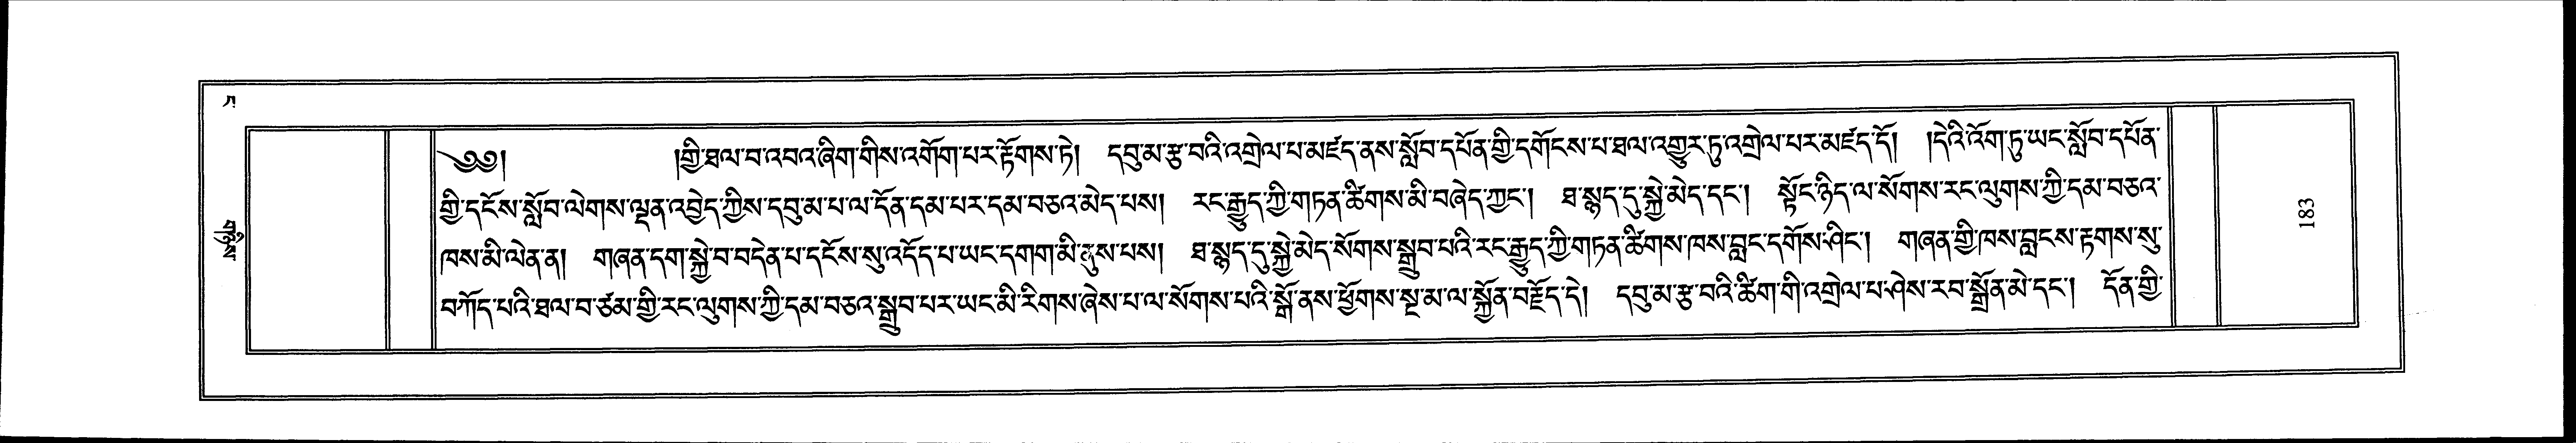༄༅། །གྱི་ཐལ་བ་འབའ་ཞིག་གིས་འགོག་པར་རྟོགས་ཏེ། དབུ་མ་རྩ་བའི་འགྲེལ་པ་མཛད་ནས་སློབ་དཔོན་གྱི་དགོངས་པ་ཐལ་འགྱུར་ཏུ་འགྲེལ་པར་མཛད་དོ། །དེའི་འོག་ཏུ་ཡང་སློབ་དཔོན་
གྱི་དངོས་སློབ་ལེགས་ལྡན་འབྱེད་ཀྱིས་དབུ་མ་པ་ལ་དོན་དམ་པར་དམ་བཅའ་མེད་པས། རང་རྒྱུད་ཀྱི་གཏན་ཚིགས་མི་བཞེད་ཀྱང་། ཐ་སྙད་དུ་སྐྱེ་མེད་དང་། སྟོང་ཉིད་ལ་སོགས་རང་ལུགས་ཀྱི་དམ་བཅའ་
ཁས་མི་ལེན་ན། གཞན་དག་སྐྱེ་བ་བདེན་པ་དངོས་སུ་འདོད་པ་ཡང་དགག་མི་ནུས་པས། ཐ་སྙད་དུ་སྐྱེ་མེད་སོགས་སྒྲུབ་པའི་རང་རྒྱུད་ཀྱི་གཏན་ཚིགས་ཁས་བླང་དགོས་ཤིང་། གཞན་གྱི་ཁས་བླངས་རྟགས་སུ་
བཀོད་པའི་ཐལ་བ་ཙམ་གྱི་རང་ལུགས་ཀྱི་དམ་བཅའ་སྒྲུབ་པར་ཡང་མི་རིགས་ཞེས་པ་ལ་སོགས་པའི་སྒོ་ནས་ཕྱོགས་སྔ་མ་ལ་སྐྱོན་བརྗོད་དེ། དབུ་མ་རྩ་བའི་ཚིག་གི་འགྲེལ་པ་ཤེས་རབ་སྒྲོན་མེ་དང་། དོན་གྱི་